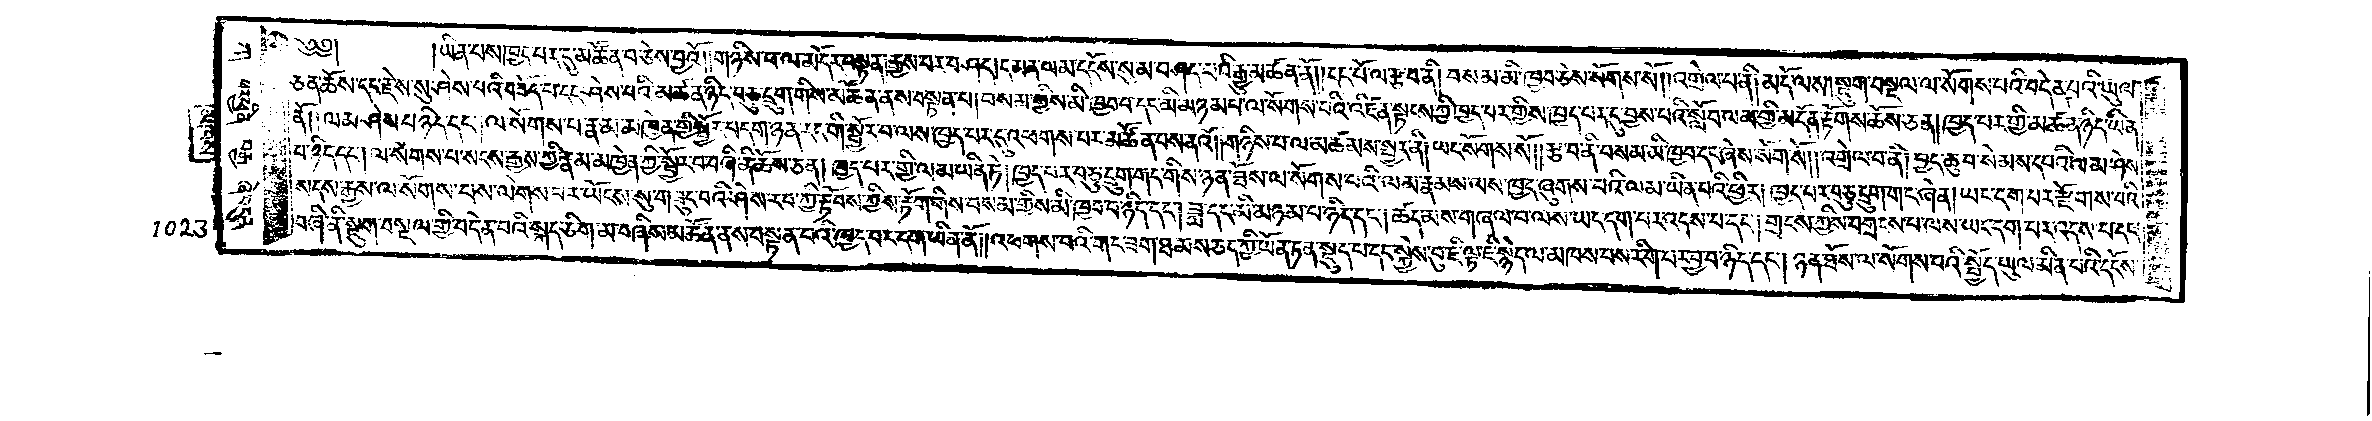༄༅། །ཡིན་པས་ཁྱད་པར་དུ་མཚོན་པ་ཅེས་བྱའོ། །གཉིས་པ་ལ་མདོར་བསྟན། རྒྱས་པར་བཤད། དམན་ལམ་དངོས་སུ་མ་བཤད་པའི་རྒྱུ་མཚན་ནོ། །དང་པོ་ལ་རྩ་བ་ནི། བསམ་མི་ཁྱབ་ཅེས་སོགས་སོ། །འགྲེལ་པ་ནི། མདོ་ལས། སྡུག་བསྔལ་ལ་སོགས་པའི་བདེན་པའི་ཡུལ་
ཅན་ཆོས་དང་རྗེས་སུ་ཤེས་པའི་བཟོད་པ་དང་ཤེས་པའི་མཚན་ཉིད་བཅུ་དྲུག་གིས་མཚོན་ནས་བསྟན་པ། བསམ་གྱིས་མི་ཁྱབ་པ་དང་མི་མཉམ་པ་ལ་སོགས་པའི་འཛིན་སྟངས་ཀྱི་ཁྱད་པར་གྱིས་ཁྱད་པར་དུ་བྱས་པའི་སློབ་ལམ་གྱི་མངོན་རྟོགས་ཆོས་ཅན། ཁྱད་པར་གྱི་མཚན་ཉིད་ཡིན་
ནོ། །ལམ་ཤེས་པ་ཉིད་དང་། ལ་སོགས་པ་རྣམ་མཁྱེན་གྱི་སྦྱོར་པ་དག་ཉན་རང་གི་སྦྱོར་བ་ལས་ཁྱད་པར་དུ་འཕགས་པར་མཚོན་པས་ནའོ། །གཉིས་པ་ལ་མཚམས་སྦྱར་ནི། ཡང་སོགས་སོ། །རྩ་བ་ནི་བསམ་མི་ཁྱབ་དང་ཞེས་སོགས་སོ། །འགྲེལ་བ་ནི། བྱང་ཆུབ་སེམས་དཔའི་ལམ་ཤེས་
པ་ཉིད་དང་། ལ་སོགས་པ་སངས་རྒྱས་ཀྱི་རྣམ་མཁྱེན་ཀྱི་སྦྱོར་བ་བཞི་ནི་ཆོས་ཅན། ཁྱད་པར་གྱི་ལམ་ཡིན་ཏེ། ཁྱད་པར་བཅུ་དྲུག་གང་གིས་ཉན་ཐོས་ལ་སོགས་པའི་ལམ་རྣམས་ལས་ཁྱད་ཞུགས་པའི་ལམ་ཡིན་པའི་ཕྱིར། ཁྱད་པར་བཅུ་དྲུག་གང་ཞེ་ན། ཡང་དག་པར་རྫོགས་པའི་
སངས་རྒྱས་ལ་སོགས་པས་ལེགས་པར་ཡོངས་སུ་གཟུང་བའི་ཤེས་རབ་ཀྱི་རྟོབས་ཀྱིས་རྟོག་གིས་བསམ་གྱིས་མི་ཁྱབ་བ་ཉིད་དང་། ཟླ་དང་མི་མཉམ་པ་ཉིད་དང་། ཚད་མས་གཞལ་བ་ལས་ཡང་དག་པར་འདས་པ་དང་། གྲངས་ཀྱིས་བགྲངས་པ་ལས་ཡང་དག་པར་འདས་པ་དང་
བཞི་ནི་སྡུག་བསྔལ་གྱི་བདེན་པའི་སྡད་ཅིག་མ་བཞིས་མཚོན་ནས་བསྟན་པའི་ཁྱད་པར་དག་ཡིན་ནོ། །འཕགས་པའི་གང་ཟག་ཐམས་ཅད་ཀྱི་ཡོན་ཏན་སྡུད་པ་དང་སྐྱེས་བུ་ཇི་ལྟ་ཇི་སྙེད་ལ་མཁས་པས་རིག་པར་བྱ་བ་ཉིད་དང་། ཉན་ཐོས་ལ་སོགས་པའི་སྤྱོད་ཡུལ་མིན་པའི་དངོས་